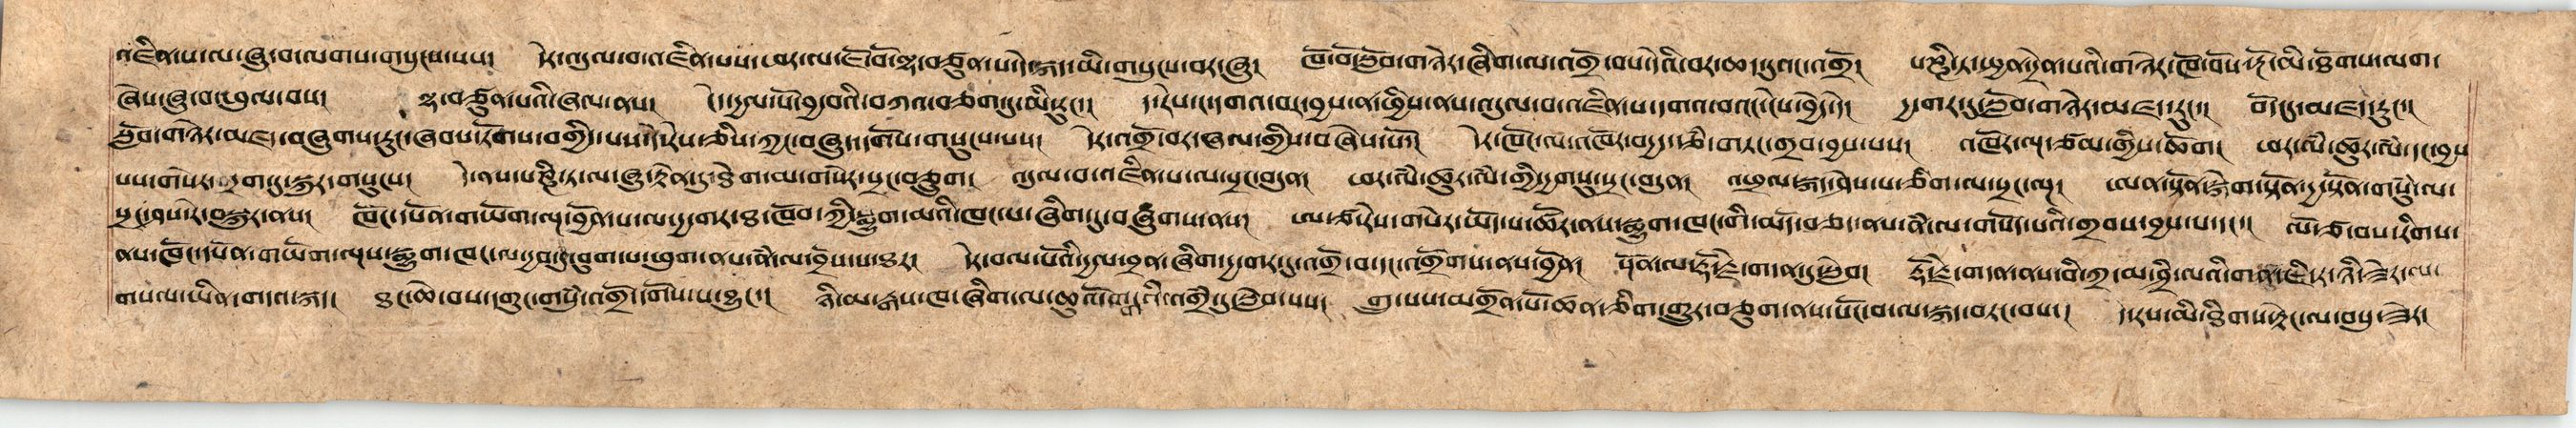འཛིན་པ་ལ་ཞུ་བ་ལགས་གསུངས་པས། དེར་འདུལ་བ་འཛིན་པས་ཕར་ལ་ཇོ་བོ་ལྷ་བཙུན་པ་ལ་དེ་སྐད་མི་གསུངས་བར་ཞུ། ཁོ་བོ་སློབ་གཉེར་ཞིག་ལ་འགྲོ་བས་དེའི་བར་ཆད་དུའང་འགྲོ། པཎྜི་ཏ་སྤྱན་འདྲེན་པའི་གཉེར་ཁོ་བོས་རྔོ་མི་ཐོགས་ལག་
ཞེས་ཞུ་བ་ཕུལ་བས། ལྷ་བཙུན་པའི་ཞལ་ནས། ངེད་དྱལ་པོ་བྱ་བའི་བཀའ་གཅག་ཏུ་མི་རུང་། ད་རེས་ང་དགའ་བར་བྱས་ན་ཕྱིས་ནས་འདུལ་བ་འཛིན་པ་དགའ་བའང་ངེས་བྱེད་དེ། དྱ་གར་དུ་སློབ་གཉེར་མཛད་རུང་། བོད་དུ་མཛད་རུང་།
སློབ་གཉེར་མཛད་བཞུགས་རུང་ཞབས་ཏོགས་བགྱིད་པས་ད་རེས་ཅིས་ཀྱང་བཞུད་དགོས་གསུངས་པས། དེར་འགྲོ་བར་ཞལ་གྱིས་བཞེས་སོ་། དེར་ཁོང་ལ་འཁོར་བདྱད་རྩཾ་གཏང་གྲབ་བྱས་པས། འཁོར་ལྔ་ཙམ་གྱིས་ཆོག། ཕར་ལཾ་ཚུར་ལཾ་དང་བྱས
པས་གསེར་དྲག་དུ་སྐུར་གསུངས། དེ་ནས་པཎྜི་ཏ་ལ་ཞུ་རྟེན་དུ་ཐེག་མ་གསེར་སྲང་བཅྲུག། འདུལ་བ་འཛིན་པ་ལ་སྲང་བདུན། ཕར་ལཾ་ཚུར་ལཾ་གྱི་དྱགསུ་སྲང་བདུན། འཕྲལ་སྐད་ཤེས་པ་ཅིག་ལ་སྲང་ལྔ། ཨན་སྟོན་སྐེག་སྟོན་དྱ་སྟོན་གསུཾ་ལ་
སྲང་ཤས་རེ་བསྐུར་ནས། ཁོང་དཔོན་གཡོག་ལྔ་བྱོན་པ་ལ་དྱ་གར་ཐ་ཁོབ་ཀྱི་སྨྱུག་མའི་ཁང་པ་ཞིག་དུ་བཞུགས་ནས། ཨ་ཙ་རེས་གསེར་ཡོད་པ་ཚོར་ནས་སྨྱུག་ཁང་གི་མདོ་བཅད་ནས་ནཾ་ལ་གསོད་པའི་གྲབས་བྱས་པ་དང་། ལོ་ཙ་བས་རིགས་
ནས་ཁོང་དཔོན་གཡོག་ལྔས་སྨྱུག་ཁང་ལ་དྱབ་དུ་བུག་པ་ཕུག་ནས་ནཾ་ལ་བྲོས་པ་ཐར། དེར་བལ་པོའི་དྱལ་ཕྲན་ཞིག་དྱ་གར་དུ་འགྲོ་བ་དང་འགྲོགས་ནས་བྱོན། སྔོན་ལ་རྡོ་རྗེ་གདན་དུ་སླེབ། རྡོ་རྗེ་གདན་ནས་བི་ཀྲ་མ་ཤྲི་ལའི་གན་ཇི་ར་ཉི་ཟེར་ལ་
གསལ་ཡིན་གདའ་སྐད། ཐང་ཆེ་བས་དགུང་གསུཾ་འགྲོ་དགོས་པ་བྱུང་། ཉི་མ་རྒས་ཁ་ཞིག་ལ་ཆུ་མོ་གངྒཱའི་འགྲཾ་དུ་སླེབ་པས། གྲུ་པས་མགྲོན་པོ་ཚན་ཅིག་གྲུར་བཅུག་ནས་སོང་བ་ལ་སྐད་བཏང་པས། ད་རས་མི་ཐེགས་རྟེང་ལ་བསུ་ཟེར།